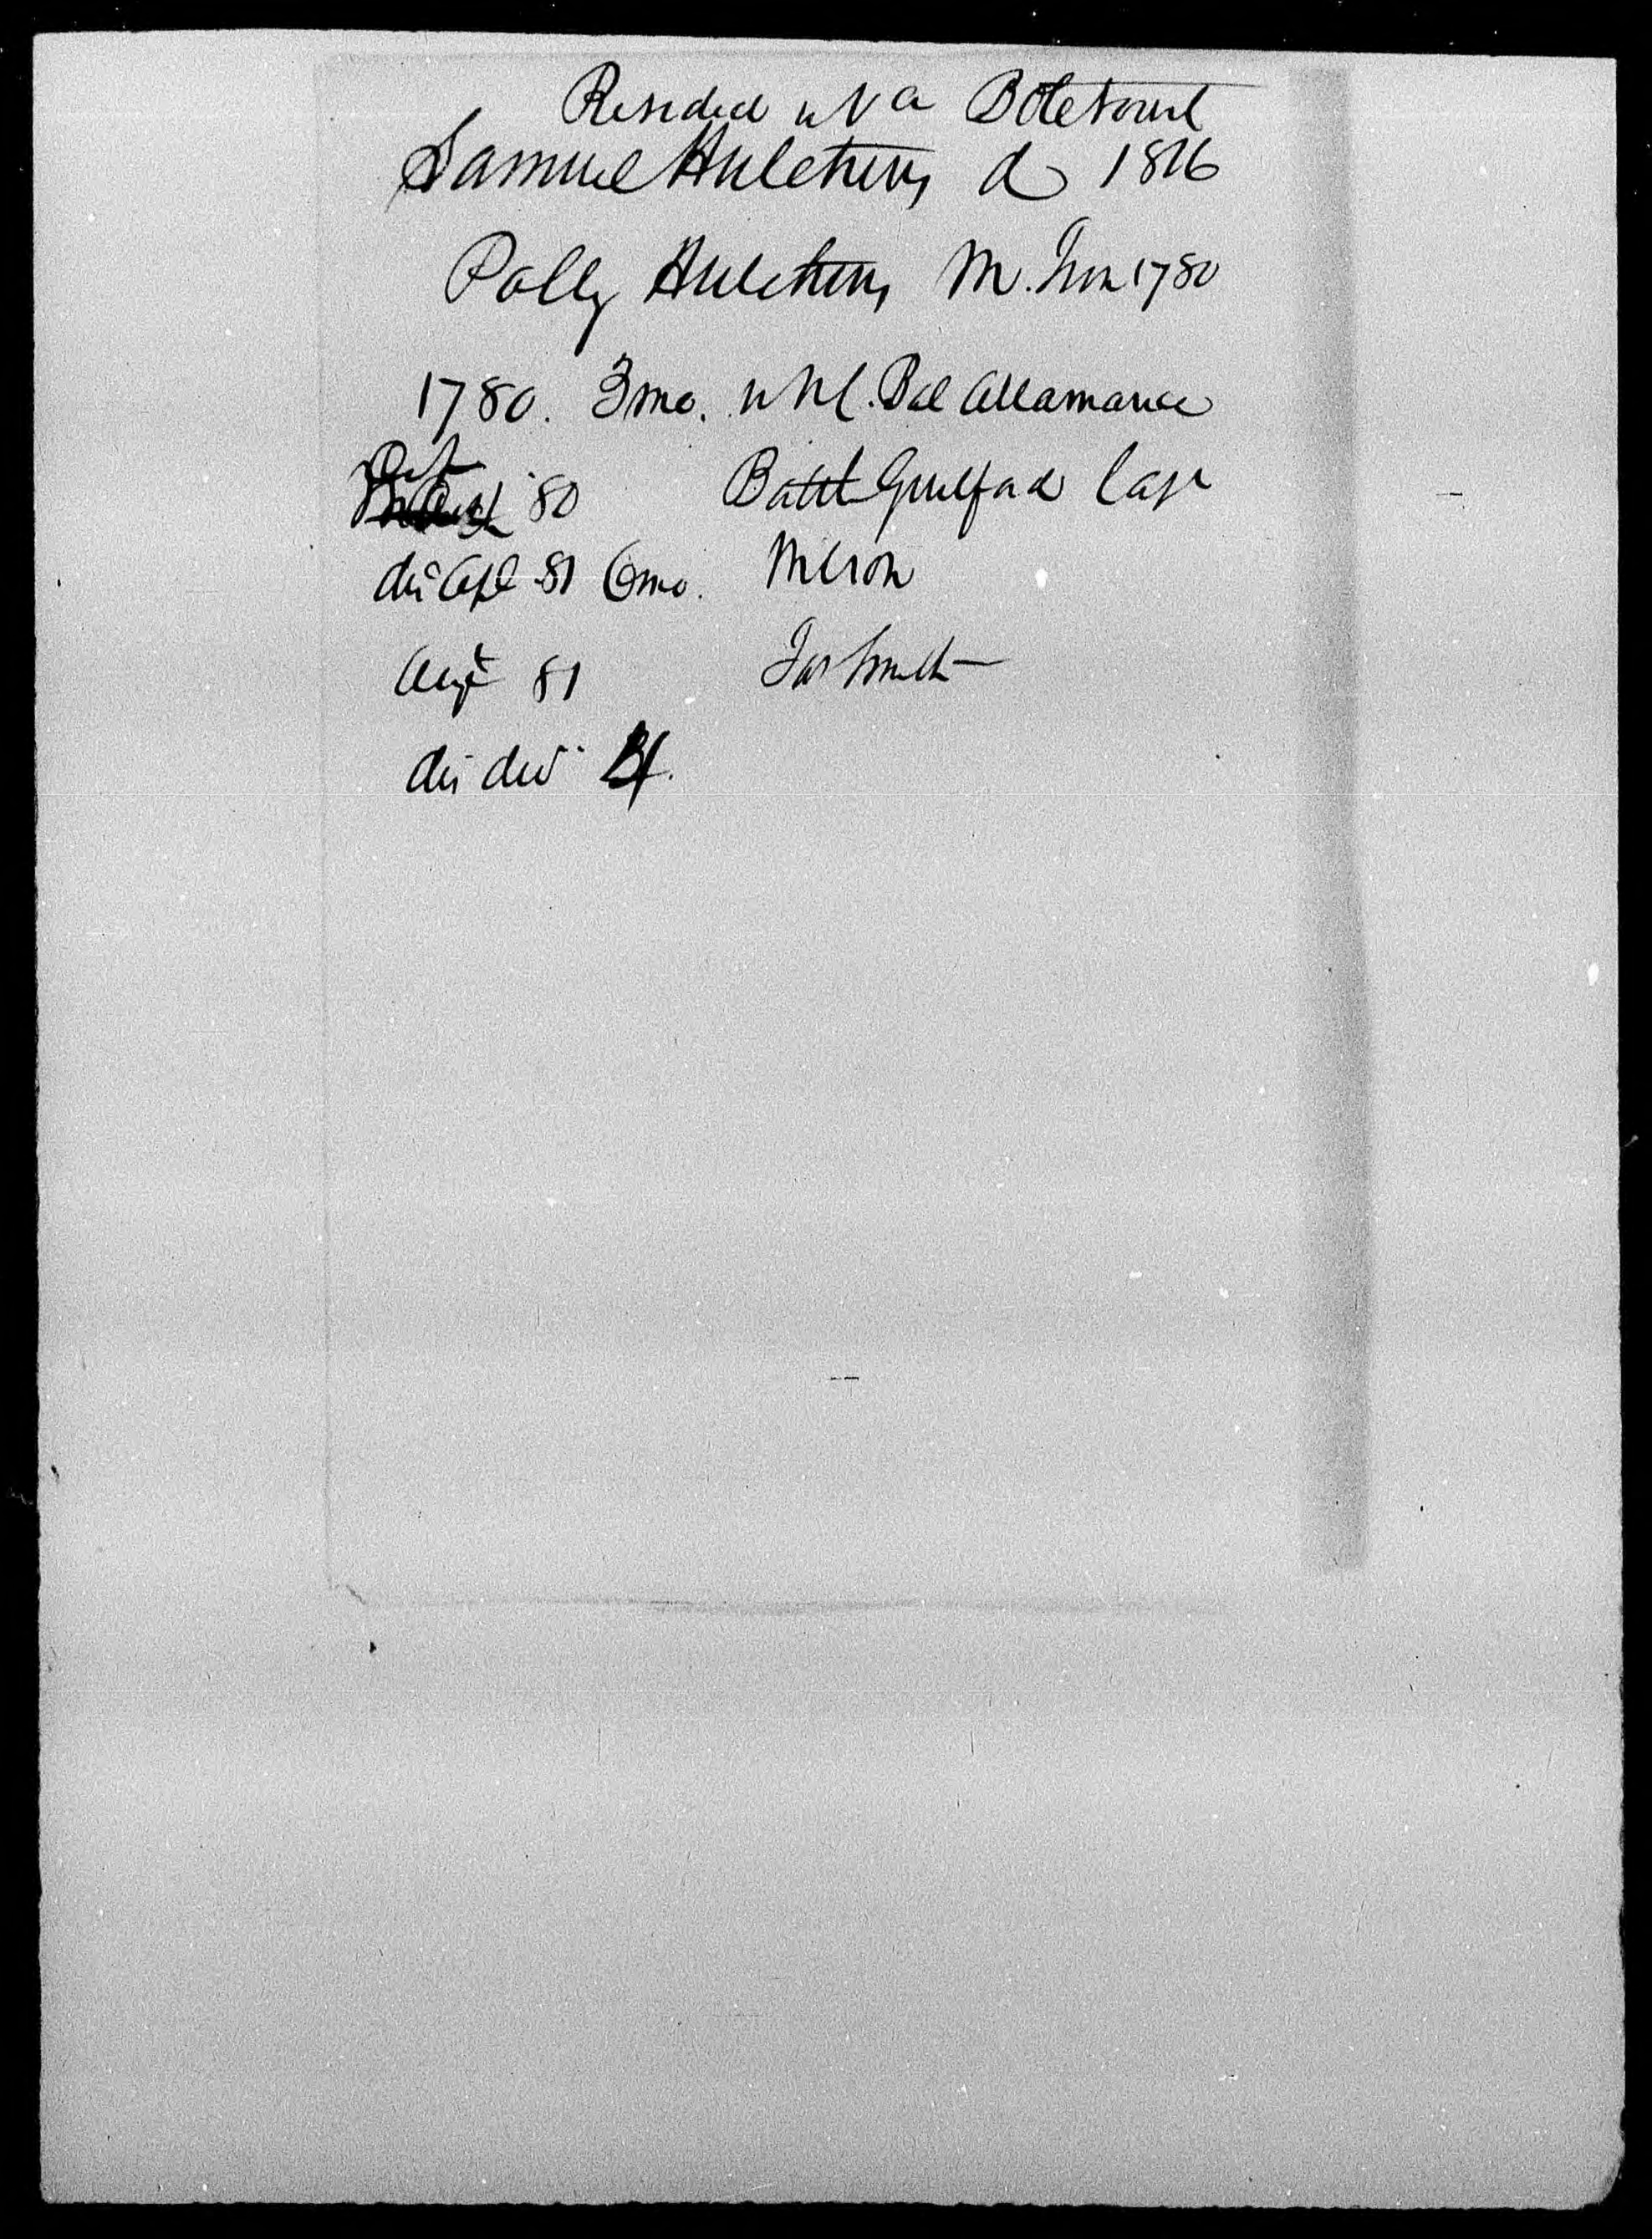Resided in Botetourt Samuel Hucetsin [Hutchison] d [deceased] 1816 

Polly Hucetsin [Hutchison] M. [married] June 1780 [written twice] 1780

3 mo. [months] unc. Bal Allamance [unclaimed balance allowance]
Oct ‘80 Battle Guilford Capt Wilson 
[Illegible] Apl 81 [April 1781] 6 mo [months]
Augt 81 [August 1781] Jas Smith
[Illegible]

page: 13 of 19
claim: rejected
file: R. 5442, for Samuel Hutchison, Virginia